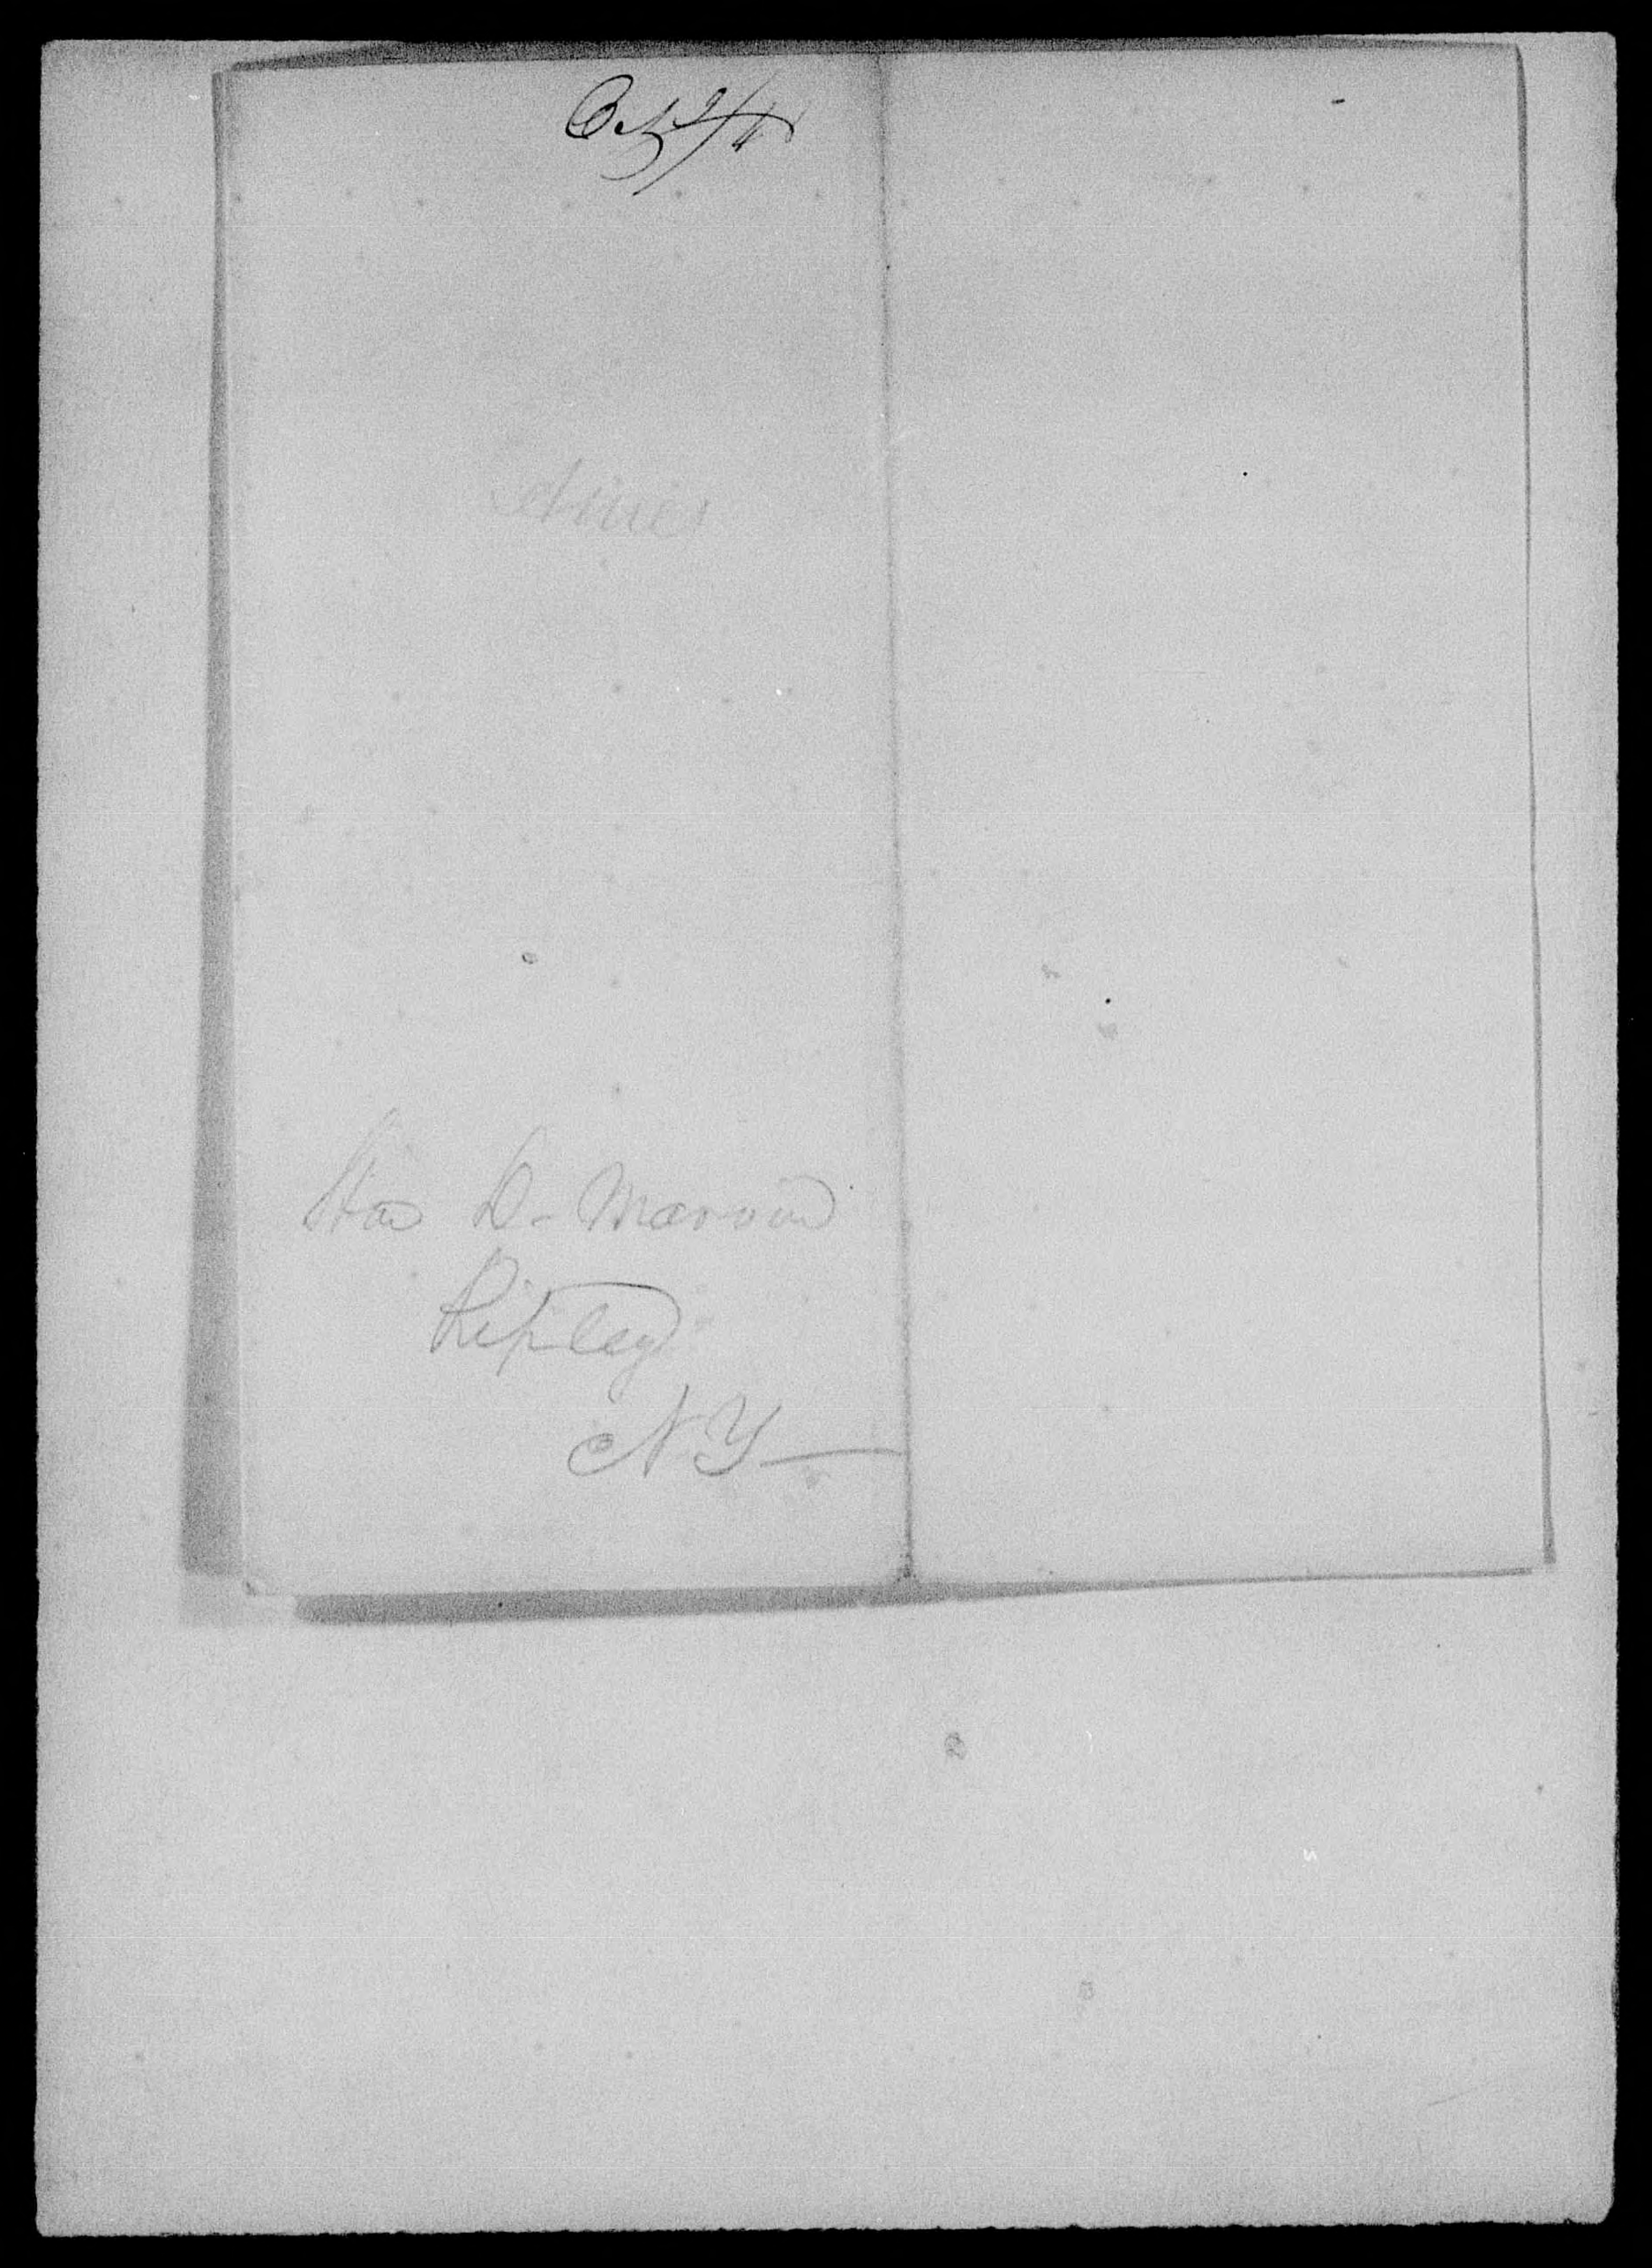Oct 2/48
[illegible]
Hon. D. Marvin
Ripley NY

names: D Marvin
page: 36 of 80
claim: survivor's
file: S. 18008, Thomas Harvey, N.H.